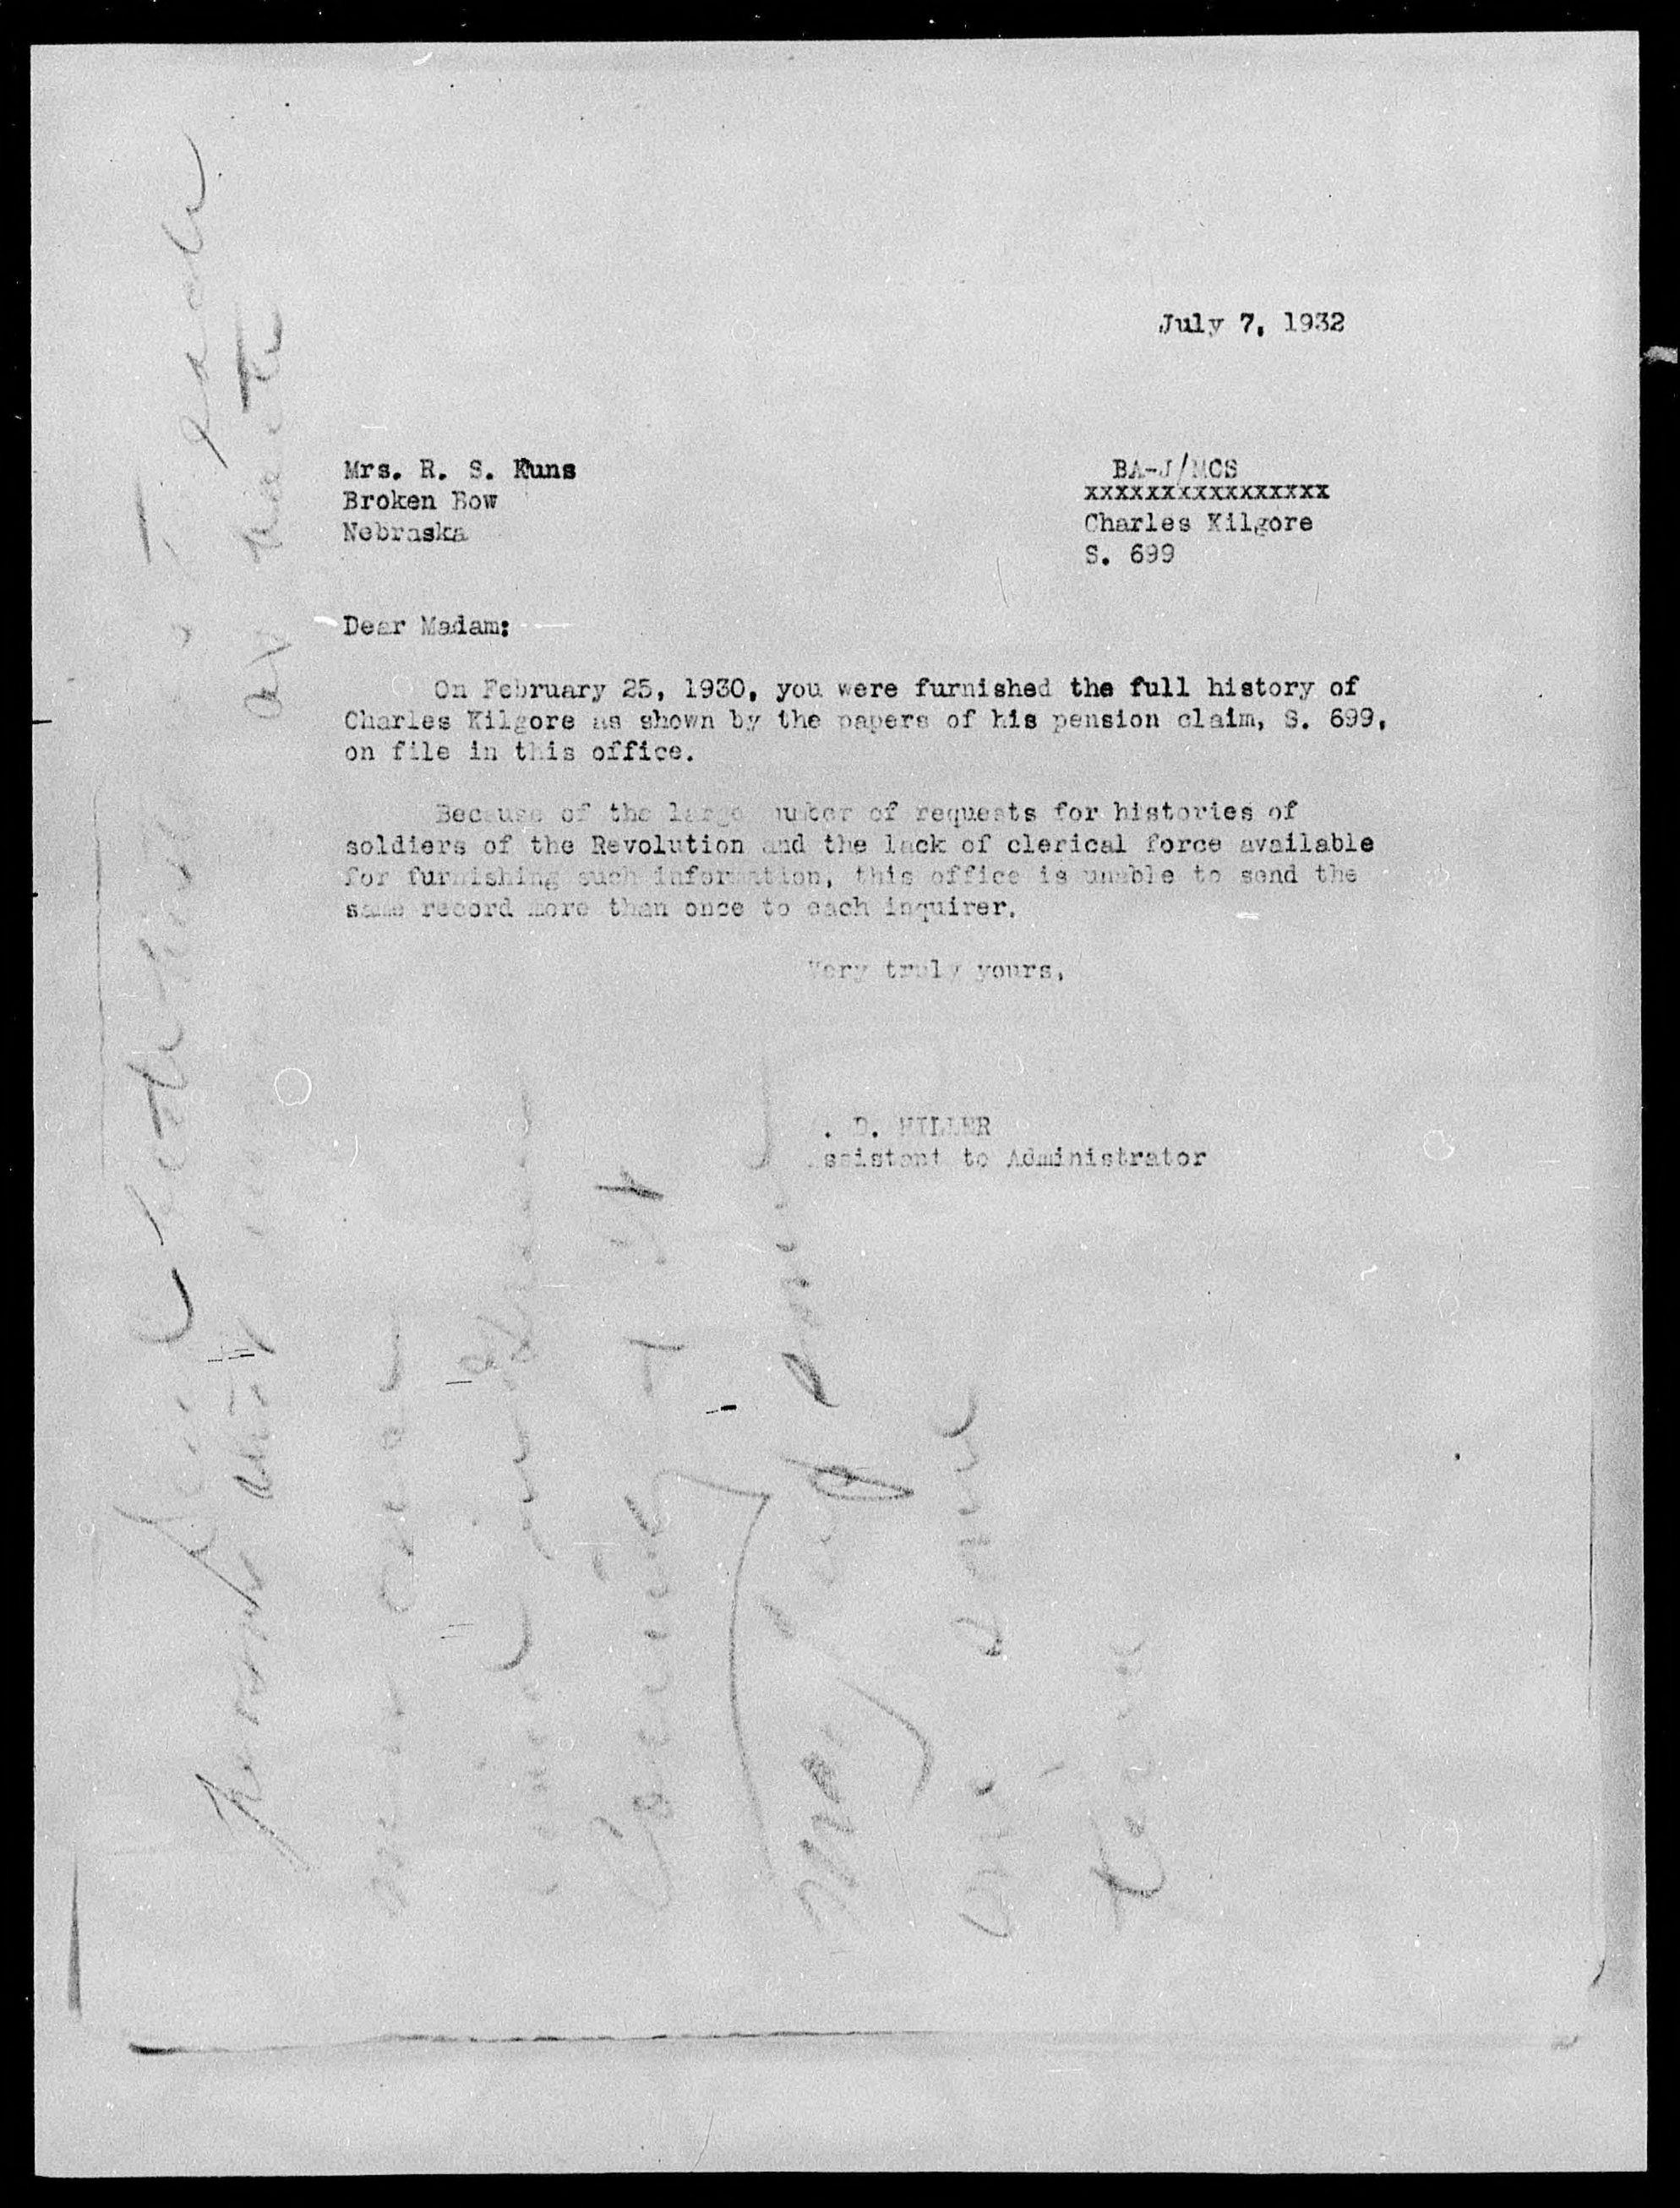July 7, 1932
BA-J/MCS
Charles Kilgore
S. 699

Mrs. R. S. Kuns
Broken Bow
Nebraska

Dear Madam:
On February 25, 1930, you were furnished the full history of Charles Kilgore as shown by the papers of his pension claim, S. 699, on file in this office.
Because of the large number of requests for histories of soldiers of the Revolution and the lack of clerical force available for furnishing such information, this office is unable to send the same record more than once to each inquirer.
Very truly yours,
A. D. HILLER
Assistant to Administrator

[the document contains a handwritten note that is not legible]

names: R S Kuns; A D Hiller; Charles Kilgore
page: 17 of 115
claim: survivor's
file: S. 699, for Charles Kilgore, Virginia